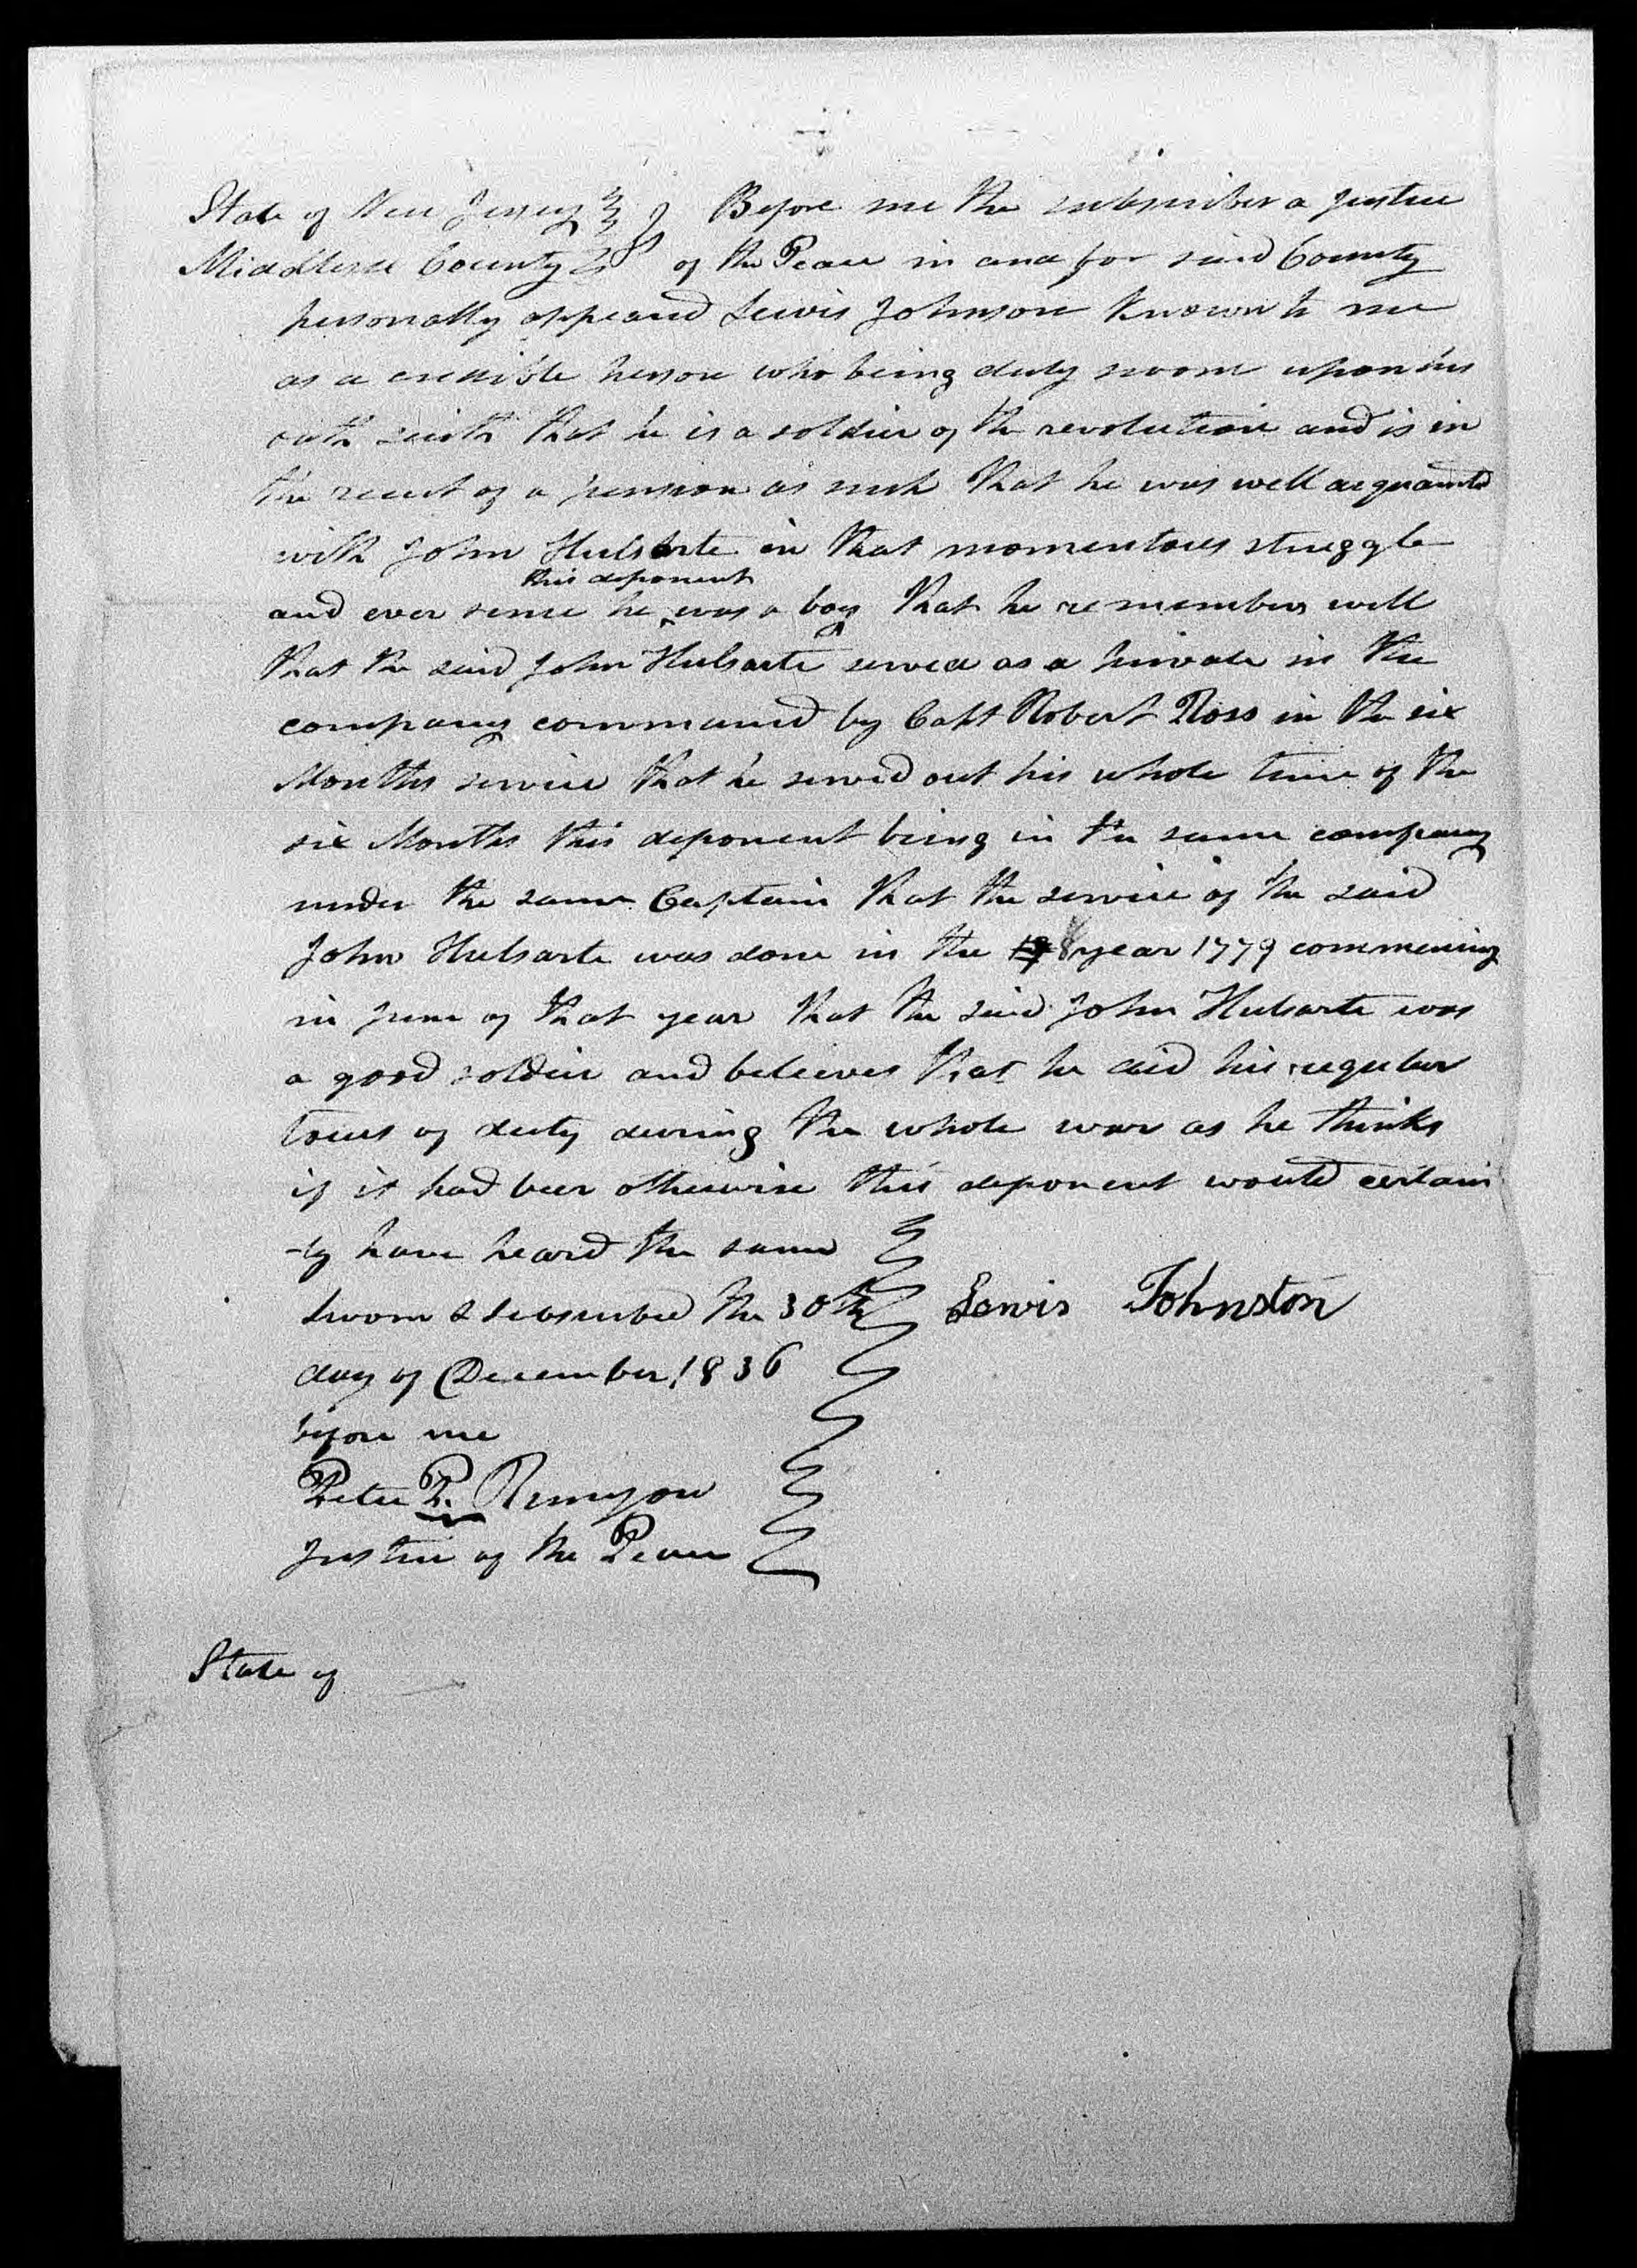State of New Jersey
Middlesex. County }  SS
Before me the subscriber a Justice of the Peace in and for said County personally appeared Lewis Johnson known to me as a credible person who being duly sworn upon his oath saith that he is a soldier of the revolution and is in the receipt of a pension as well.  That he was well acquainted with John Hulshart in that momentous struggle and ever since he this deponent was a boy that he remembers well
that the said John Hulsart served as a private in the company command by Capt Robert Ross in the in six months service that he served out his whole time of the six Months this deponent being in the same company under the same Captain that the service of the said John Hulsart was done in the year 1779 Commencing
in June of that year that the said John Hulsarte was a good soldier and believes that he did his regular tours of duty during the whole war as he thinks if it had been otherwise this deponent would certainly have heard the same
Lewis Johnston

Sworn & subscribed the 30th
day of December 1836
before me
Peter P Runyon
Justice of the Peace

State of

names: Lewis Johnson, John Hulsarte, Robert Ross, Peter P Runyon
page: 11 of 34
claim: widow's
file: W. 940, John Hulshart, New Jersey